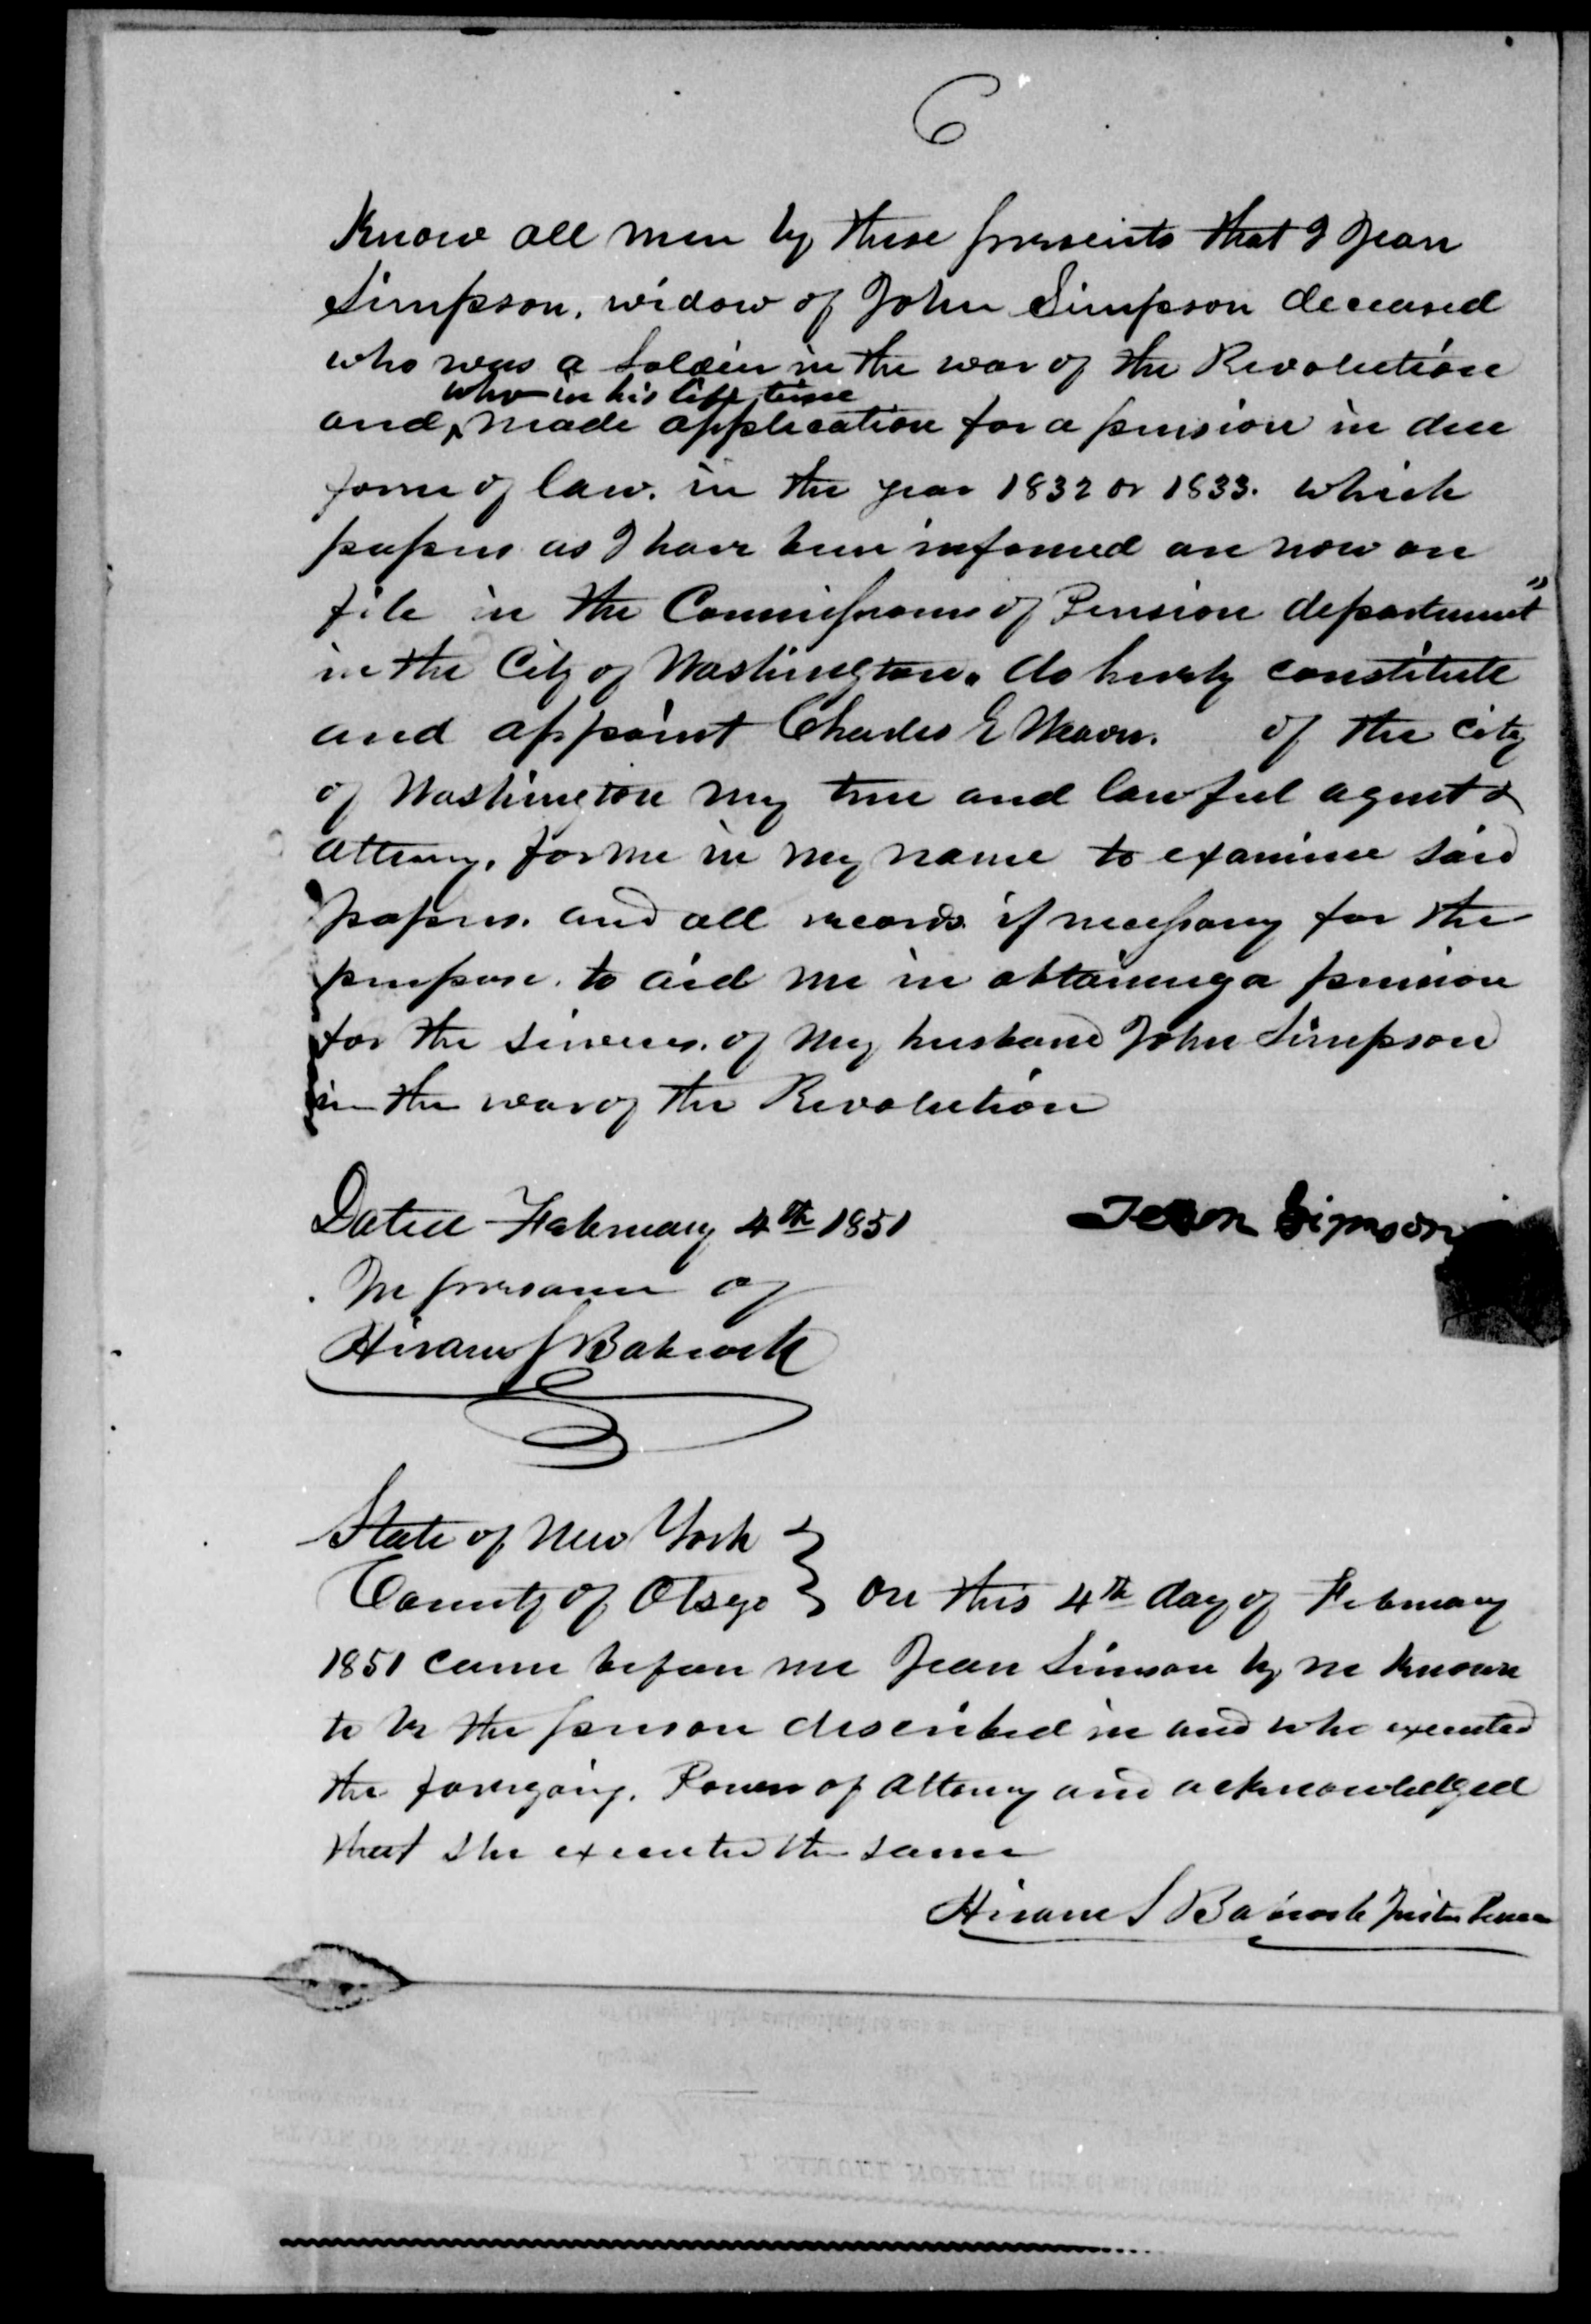6
know all men by these presents  that I Jean Simpson, widow of John Simpson deceased who was a Soldier in the war of the Revolution and who in his lifetime made application for a pension in due forms of law. in the year 1832 or 1833.  which papers as I have been informed are now on file in the Commisions of Pension department in the City of Washington. do hereby constitute and appoint Charles E. Maors. of the city of Washington my true and lawful agent + attorney. for me in my name to examine said papers. and all records if necessary for the purpose to aid me in obtaining a pension for the services of my husband John Simpson in the war of the Revolution
Dated February 4th 1851     Jean Simpson 
In presence of Hisaw S. Babcock State of New York.
County of Otsego on this 4th day of February 1851 came before me Jean Simson by me known to as the person described in and who executed the foregoing. Powers of attorney and acknowledged that she executed the same Hisam S. Babcock Justice Peace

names: Jean Simpson; Hiram S Babcock; Charles E Weaver; Hiram S Babcock; Jean Simson; John Simpson; Jean Simson; John Simpson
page: 10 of 35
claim: rejected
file: R. 9601, for John Simson, New Jersey